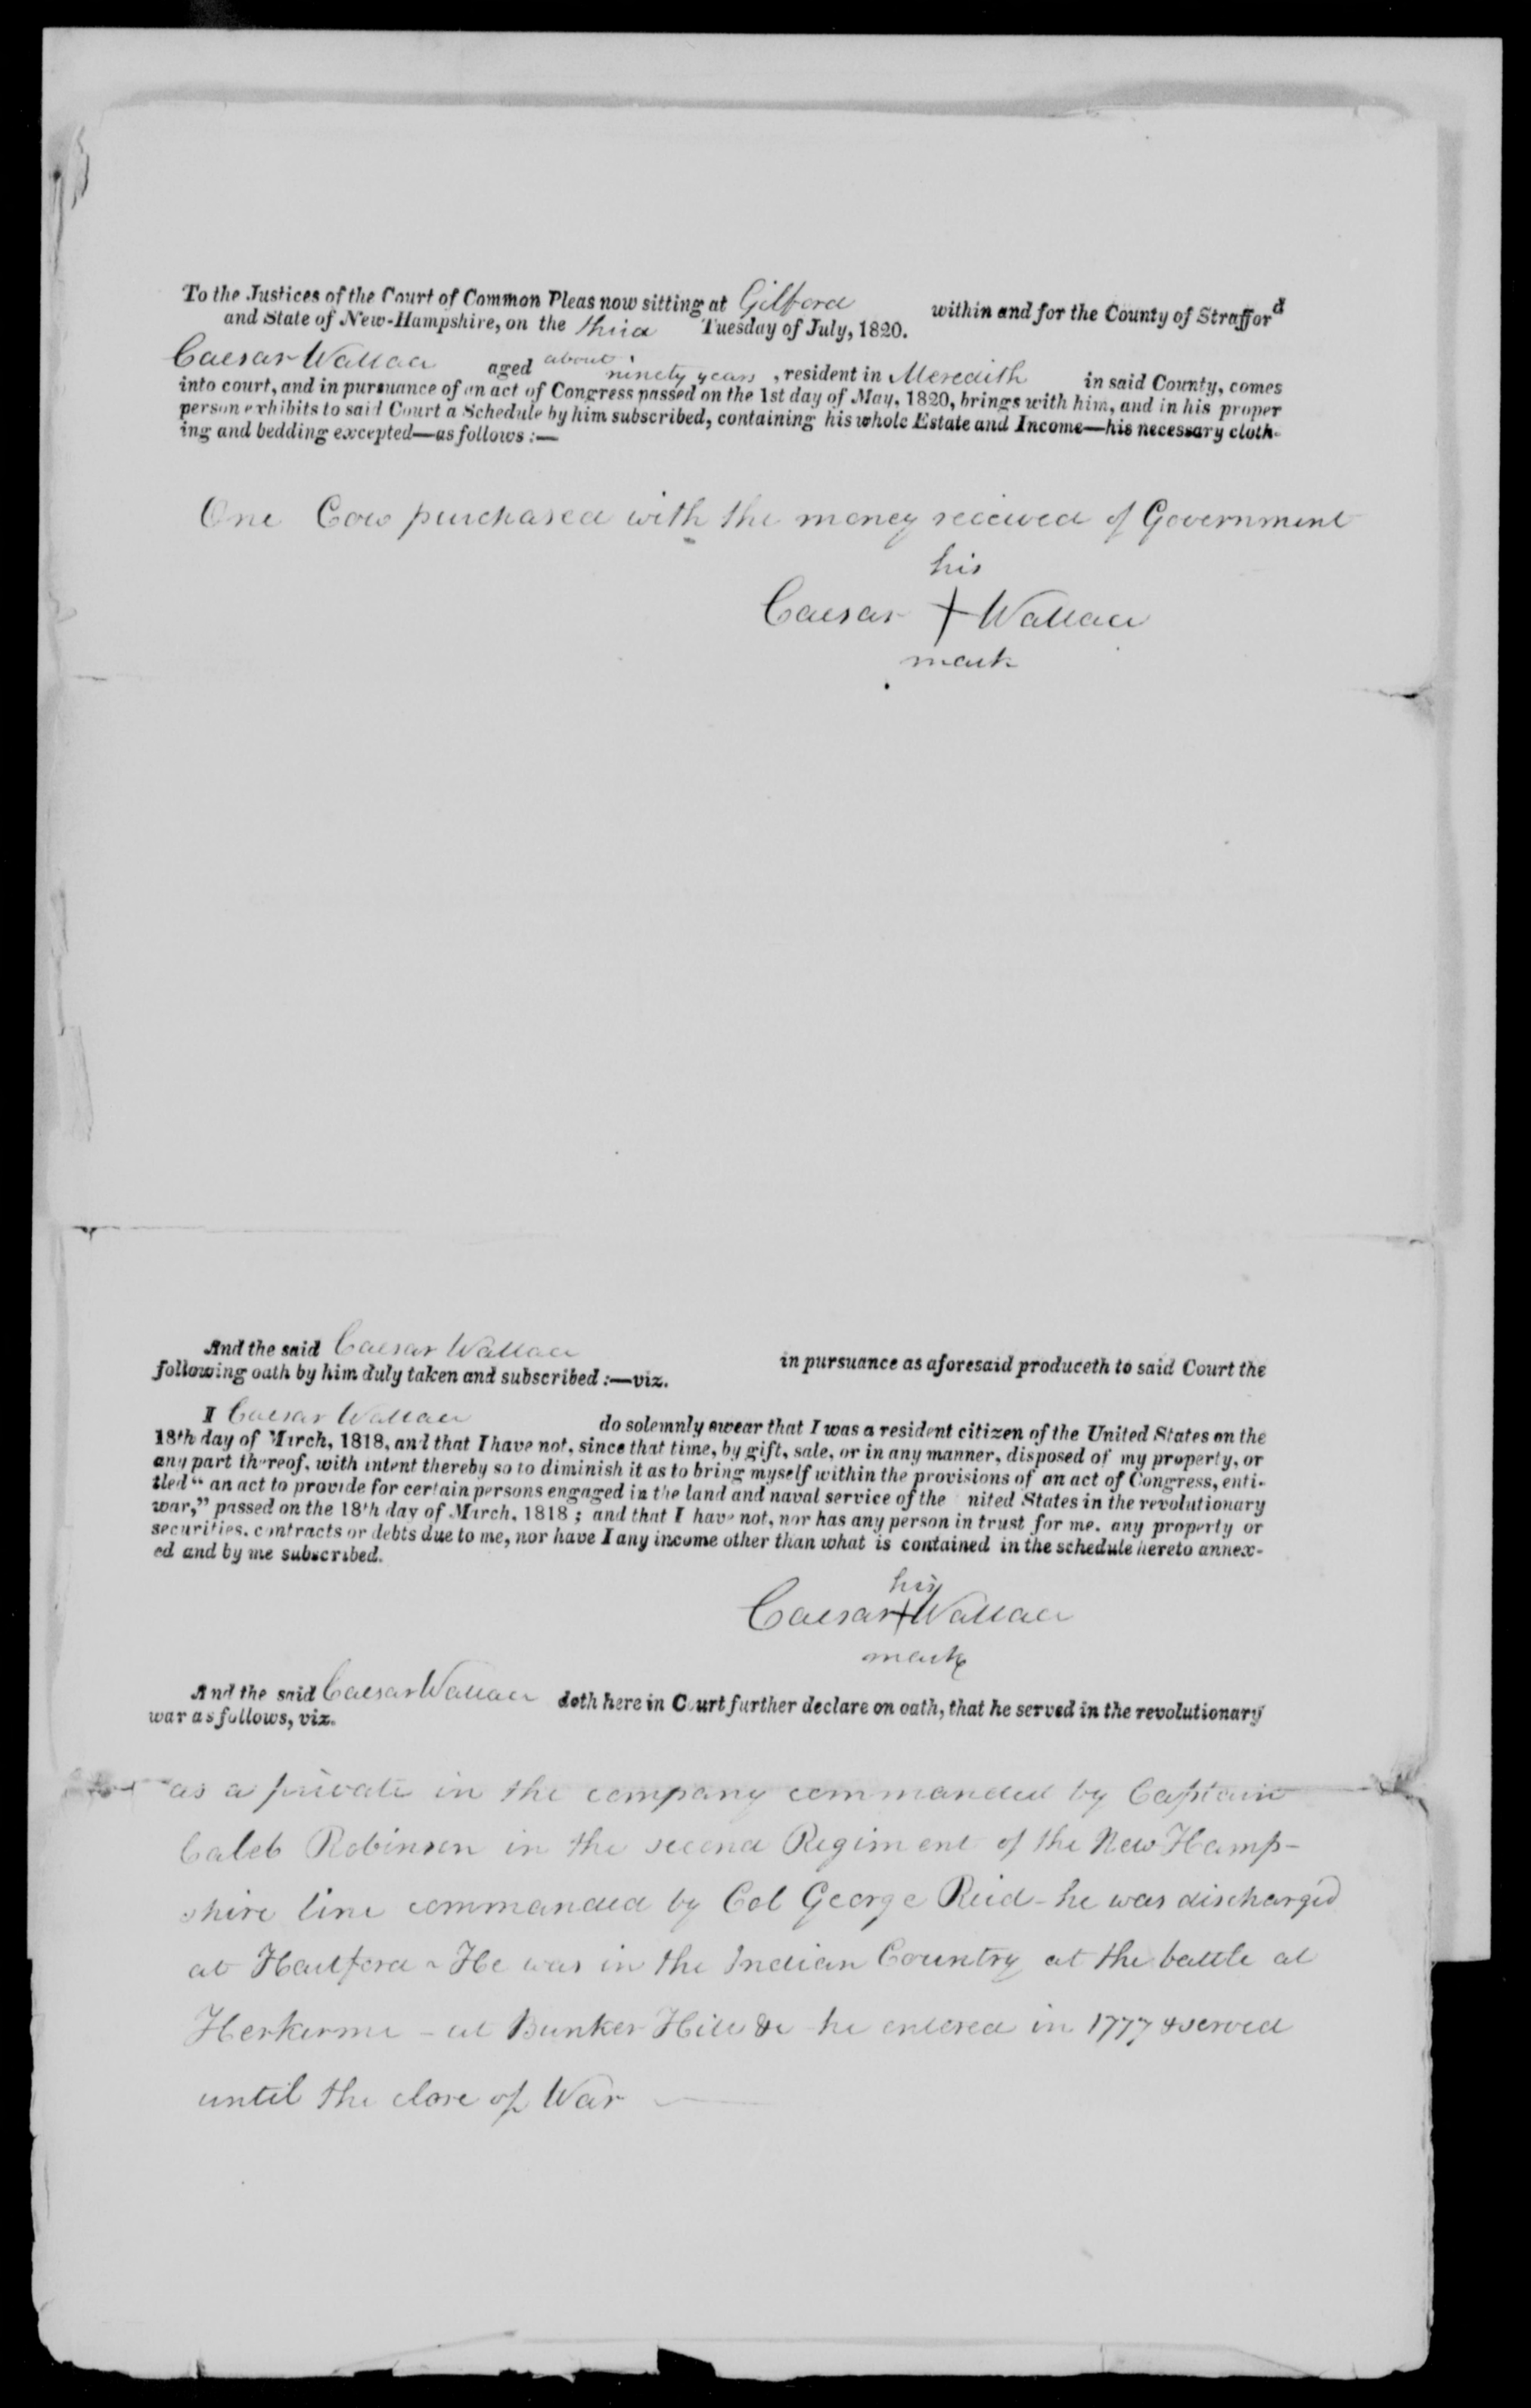To the Justices of the Court of Common Pleas now sitting at Gilford within and for the County of Strafford and State of New-Hampshire, on the third Tuesday of July, 1820.

Caesar Wallace aged about ninety years, resident in Meredith in said County, comes into court, and in pursuance of an act of Congress passed on the 1st day of May, 1820, brings with him, and in his proper person exhibits to said Court a Schedule by him subscribed, containing his whole Estate and Income -- his necessary clothing and bedding excepted -- as follows:--

One cow purchased with the money received of Government

Caesar Wallace + his mark


And the said Caesar Wallace in pursuance as aforesaid produceth to said Court the following oath by him duly taken and subscribed:--viz.

I Caesar Wallace do solemnly swear that I was a resident citizen of the United States on the 18th day of March, 1818 and that I have not, since that time, by gift, sale, or in any manner, disposed of my property, or any part thereof, with intent thereby so to diminish it as to bring myself within the provisions of an act of Congress, entitled "an act to provide for certain persons engaged in the land and naval service of the United States in the revolutionary war," passed on the 18th day of March, 1818 ; and that I have not, nor has any person in trust for me, any property or securities, contracts or debts due to me, nor have I any income other than what is contained in the schedule hereto annexed and by me subscribed

Caesar Wallace + his mark

And the said Caesar Wallace doth here in Court further declare on oath, that he served in the revolutionary war as follows, viz. 

as a private in the company commanded by Captain Caleb Robinson in the second Regiment of the New Hampshire line commanded by Col [Colonel] George Reid - he was discharged at Hartford - He was in the Indian Country at the battle at Herkermer - at Bunker Hill & he entered in 1777 & served until the close of War-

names: Caesar Wallace, Caesar Wallace, Caesar Wallace, Caleb Robinson, Caesar Wallace, Caesar Wallace, George Reid, Caesar Wallace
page: 8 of 9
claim: survivor's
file: S. 43,250, Caesar Wallace, N.H.